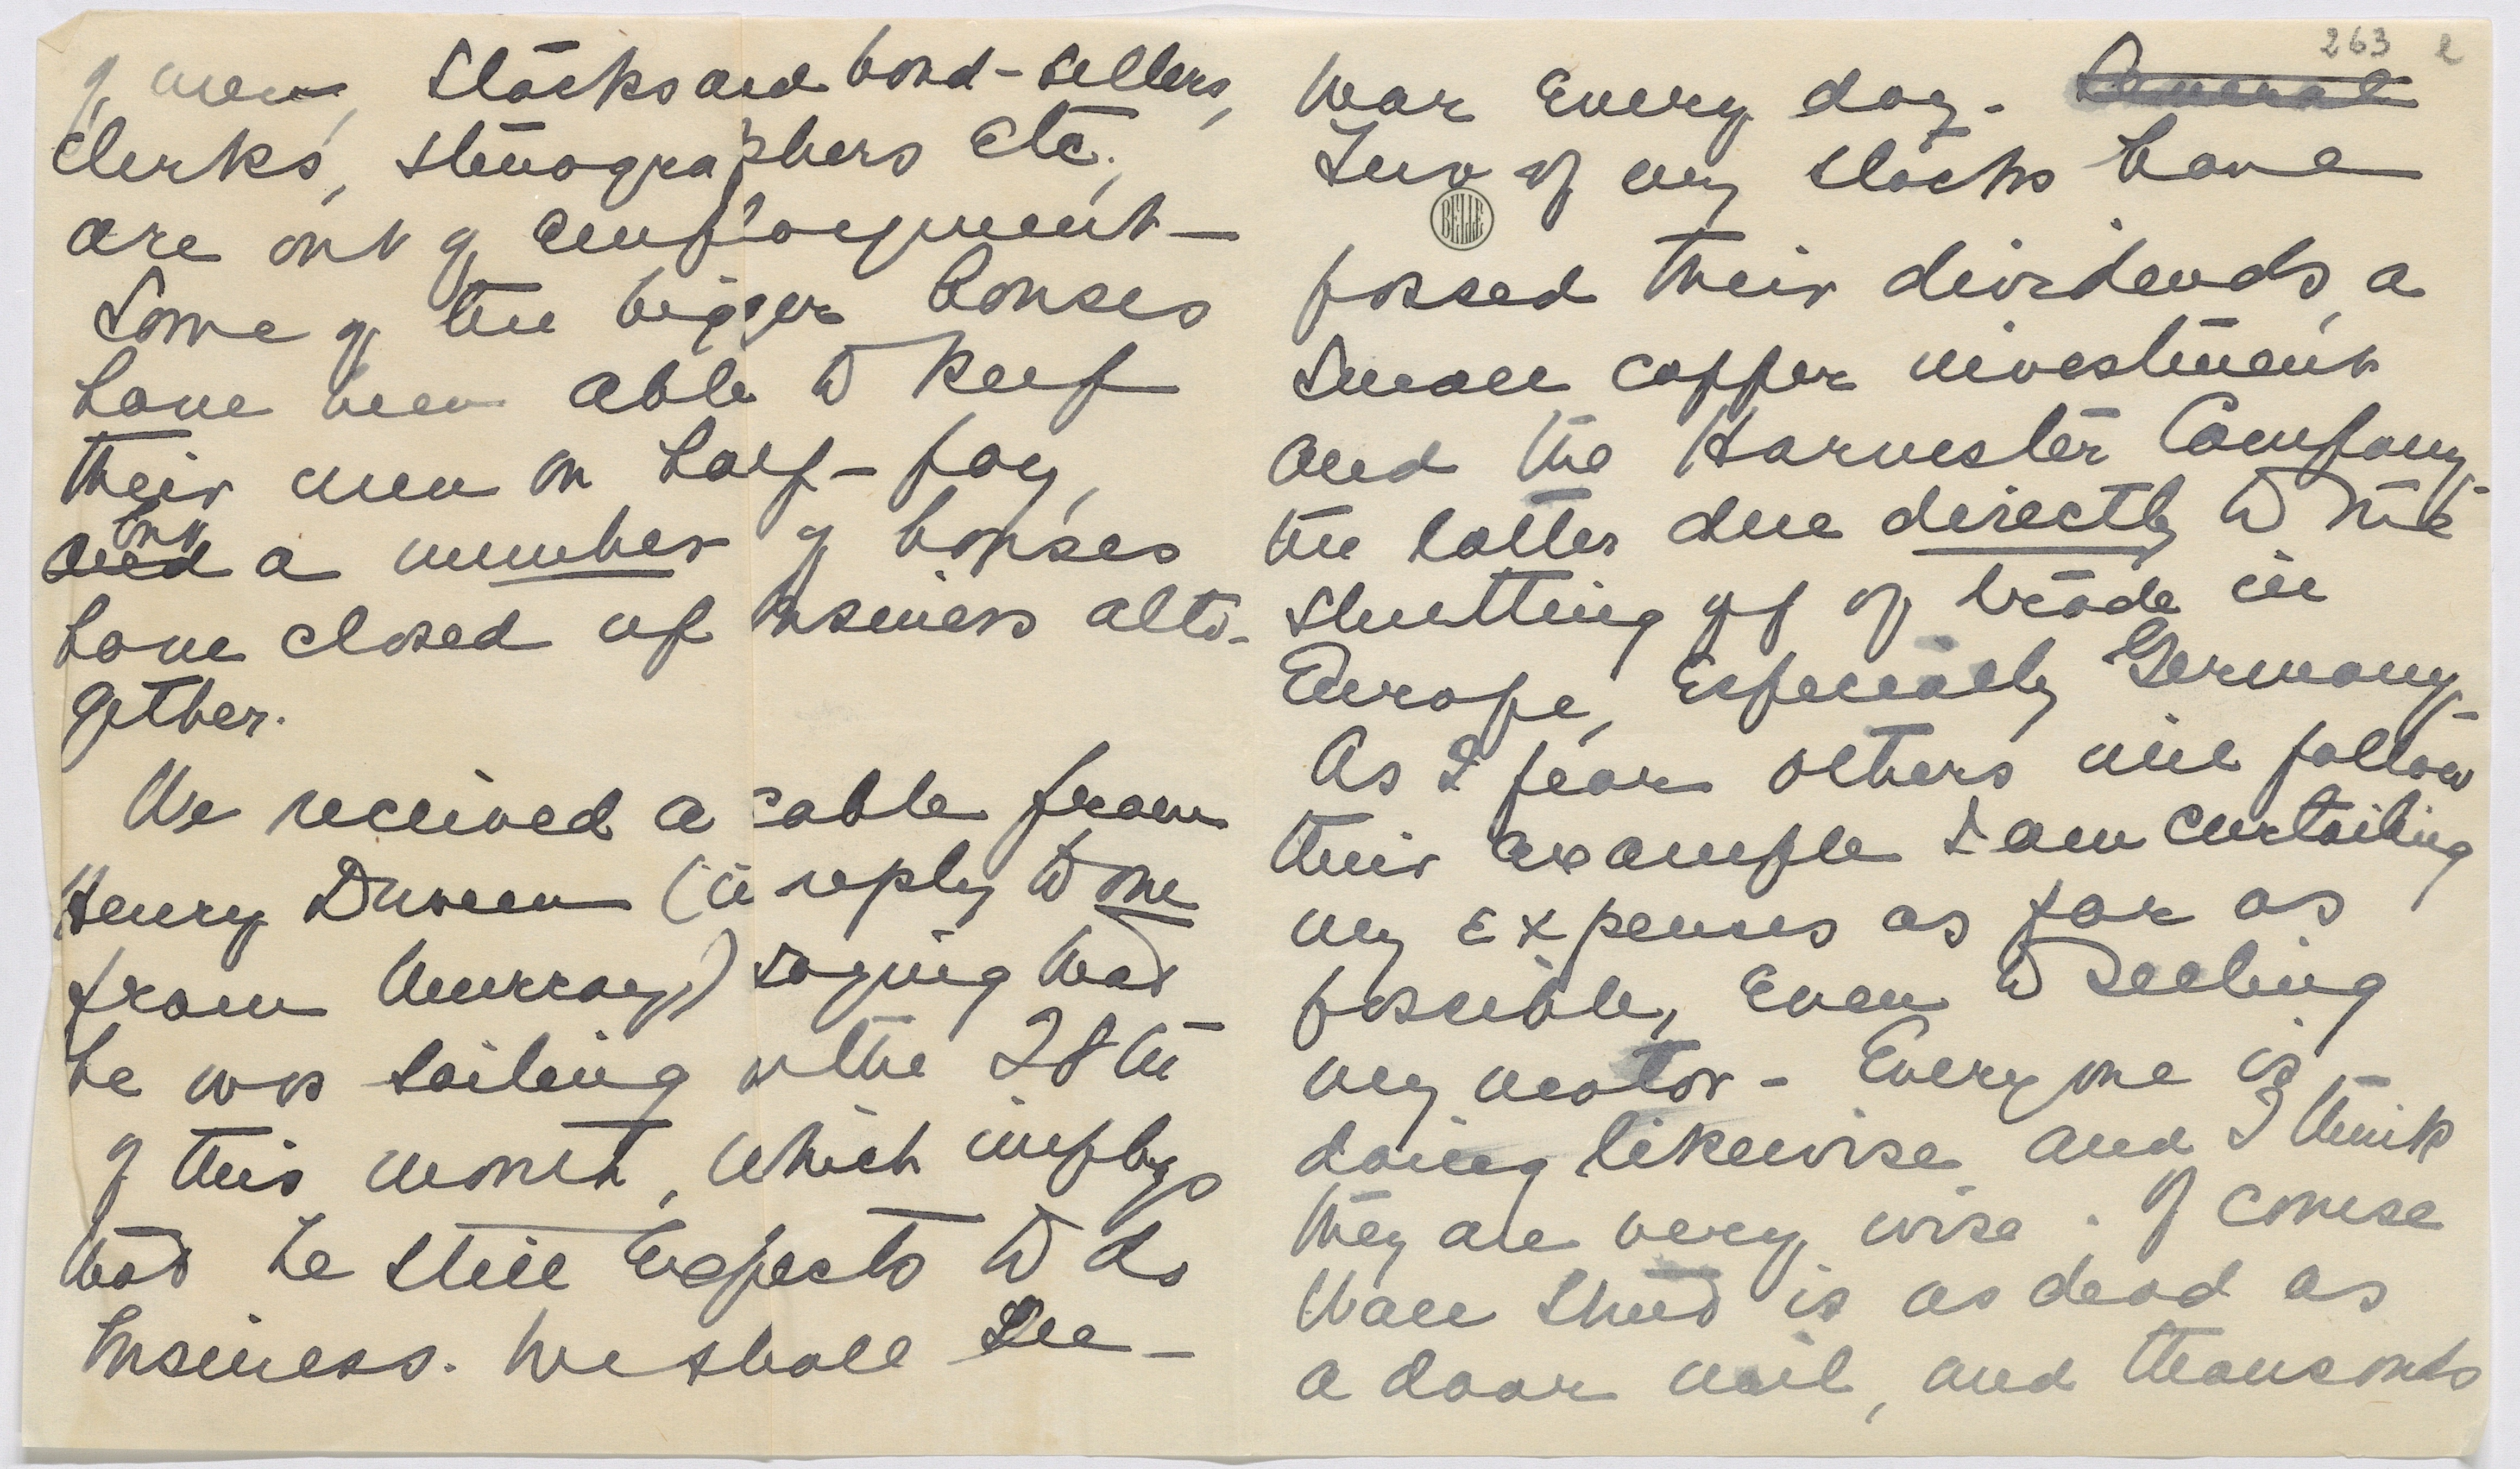War every day – Several Two of my stocks have passed their dividends, a small copper investment and the Harvester Company – the latter due directly to the shutting off of trade in Europe, especially Germany –
As I fear others will follow their example I am curtailing my expenses as far as possible, even to selling my motor – Everyone is doing likewise and I think they are very wise. of course Wall Street is as dead as a door nail, and thousands
of men, Stocks and bond-sellers, clerks, stenographers etc., are out of employment –
Some of the bigger houses have been able to keep their men on half-pay, and [^but^] a number of houses have closed up business altogether.
We received a cable from Henry Duveen (in reply to one from Murray) saying that he was sailing on the 28th of this month, which impliys [sic] that he still expects to do business. We shall see –